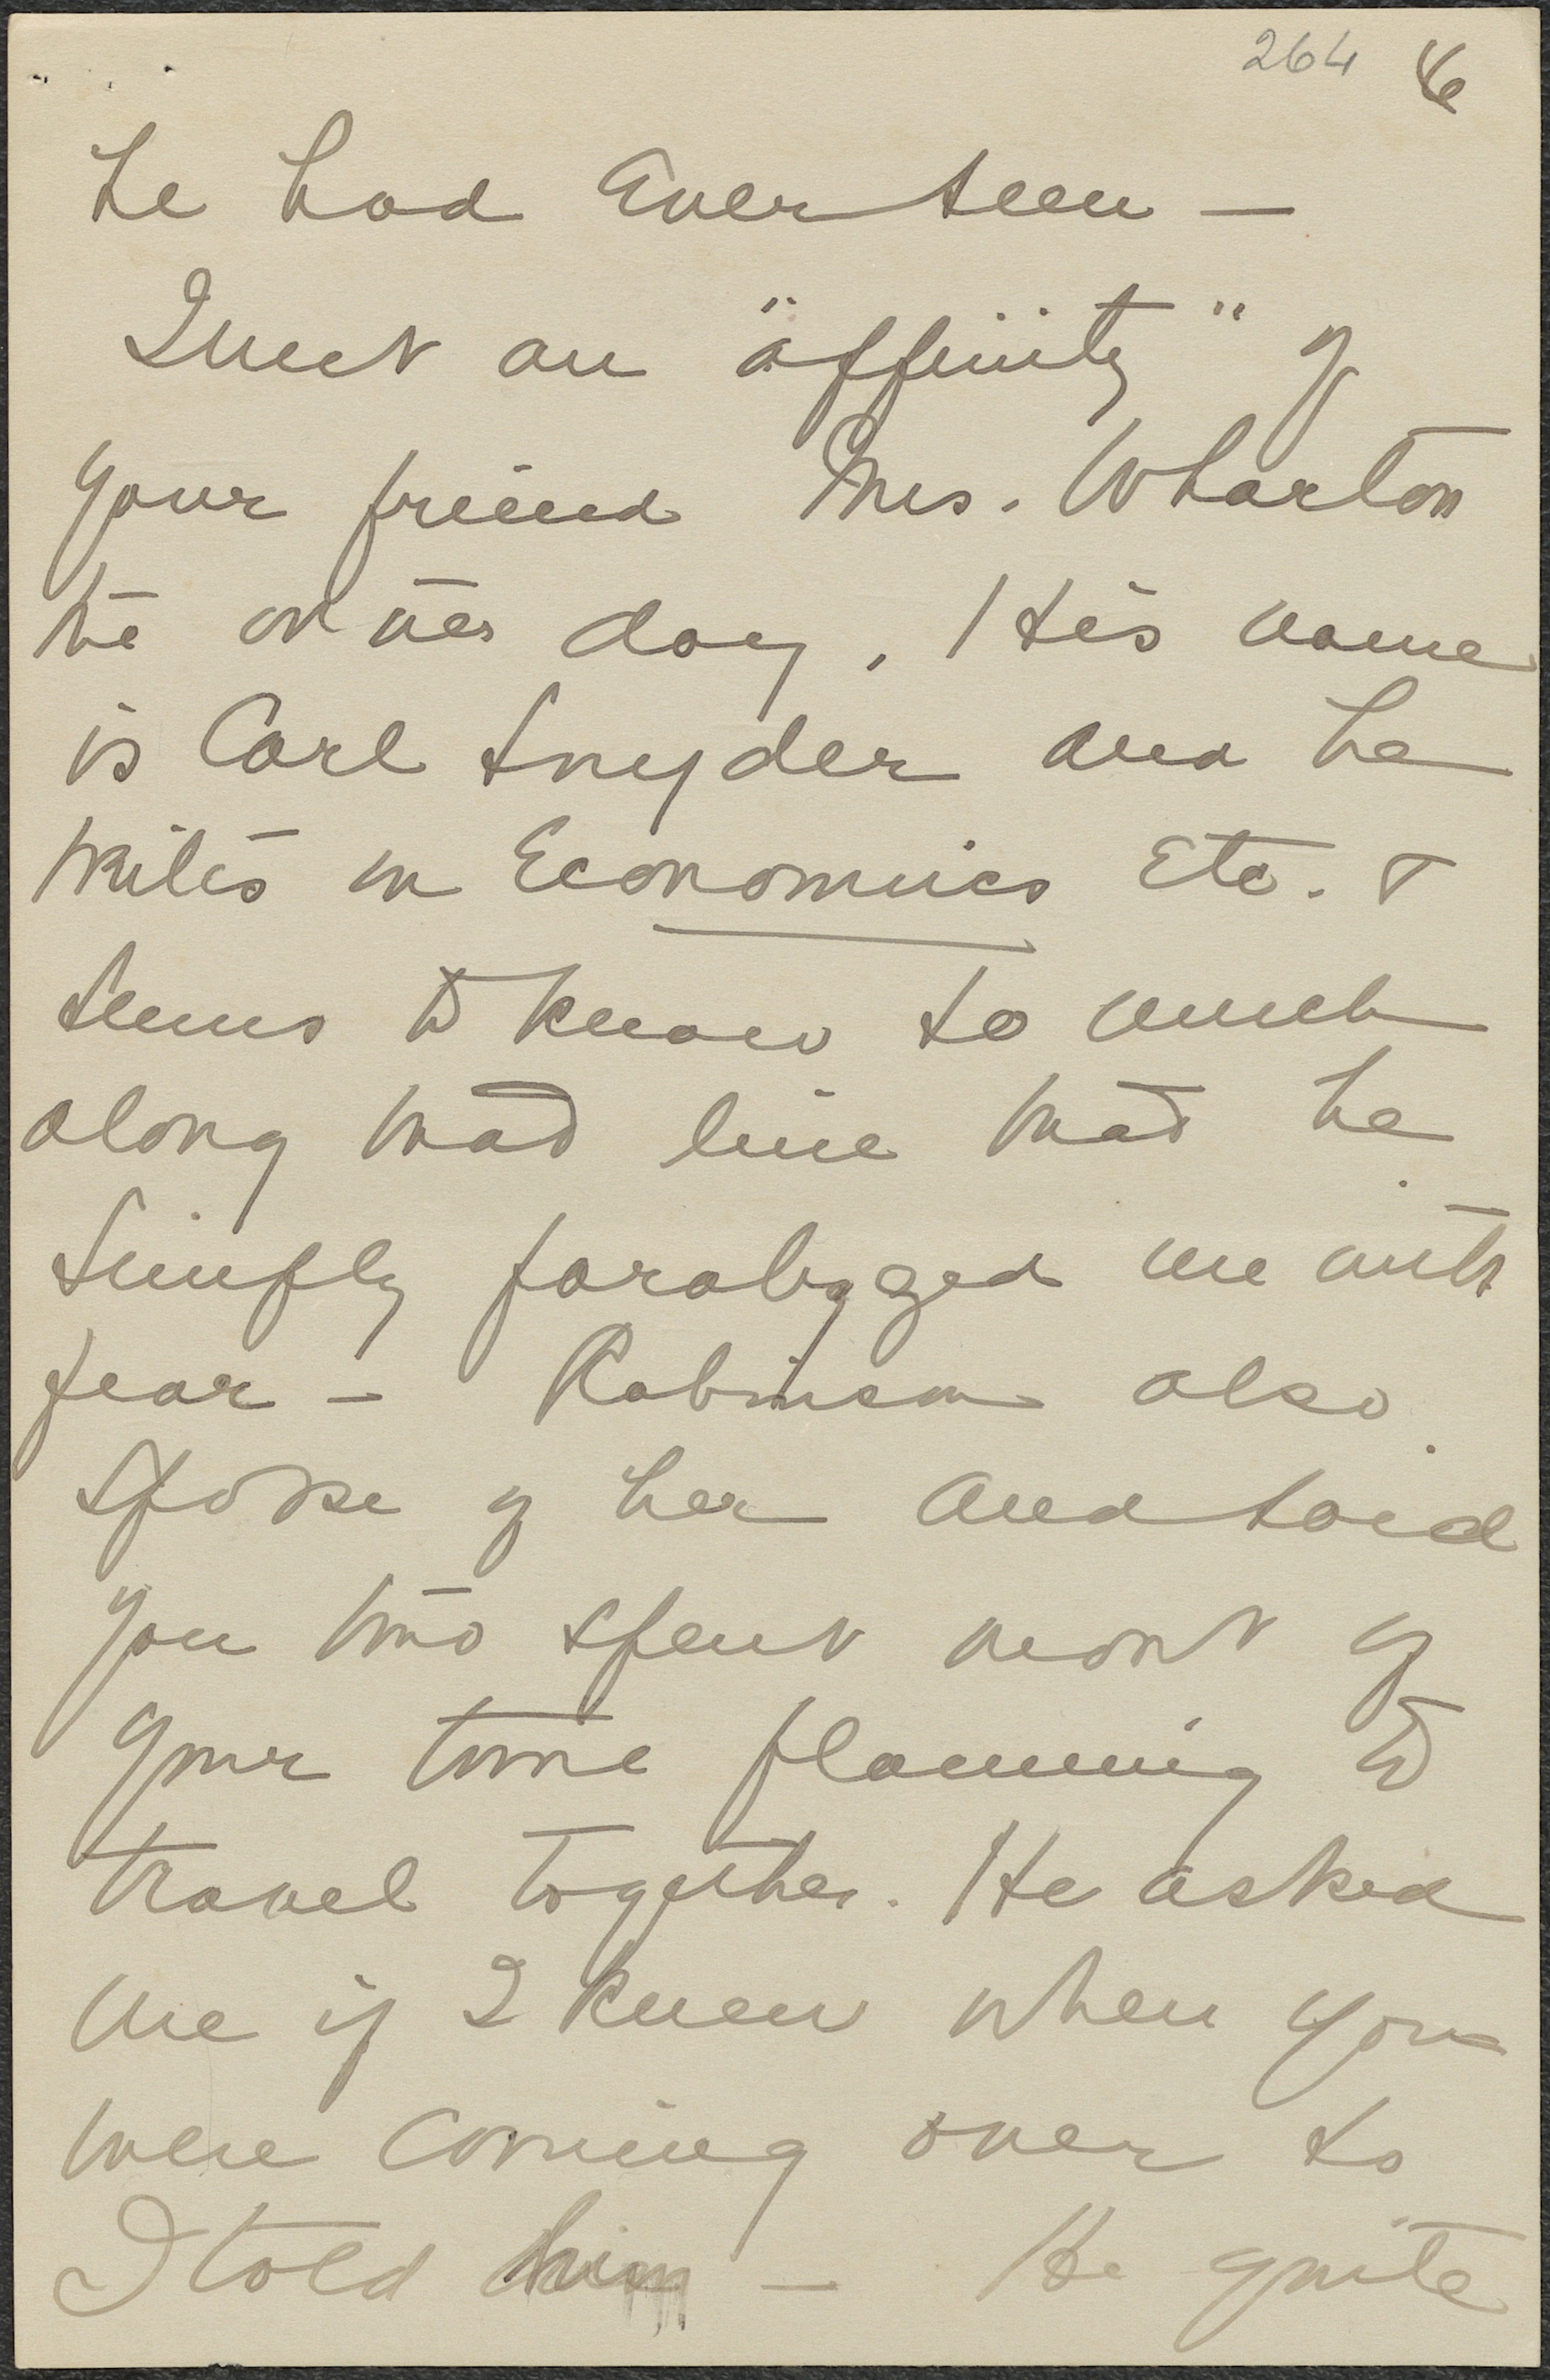(6
he had ever seen –
I met an “affinity” of your friend Mrs. Wharton the other day. His name is Carl Snyder and he writes on economics etc. & seems to know so much along that line that he simply paralyzed me with fear – Robinson also spoke of her and said you two spent most of your time planning to travel together. He asked me if I knew when you were coming over so I told him – He quite